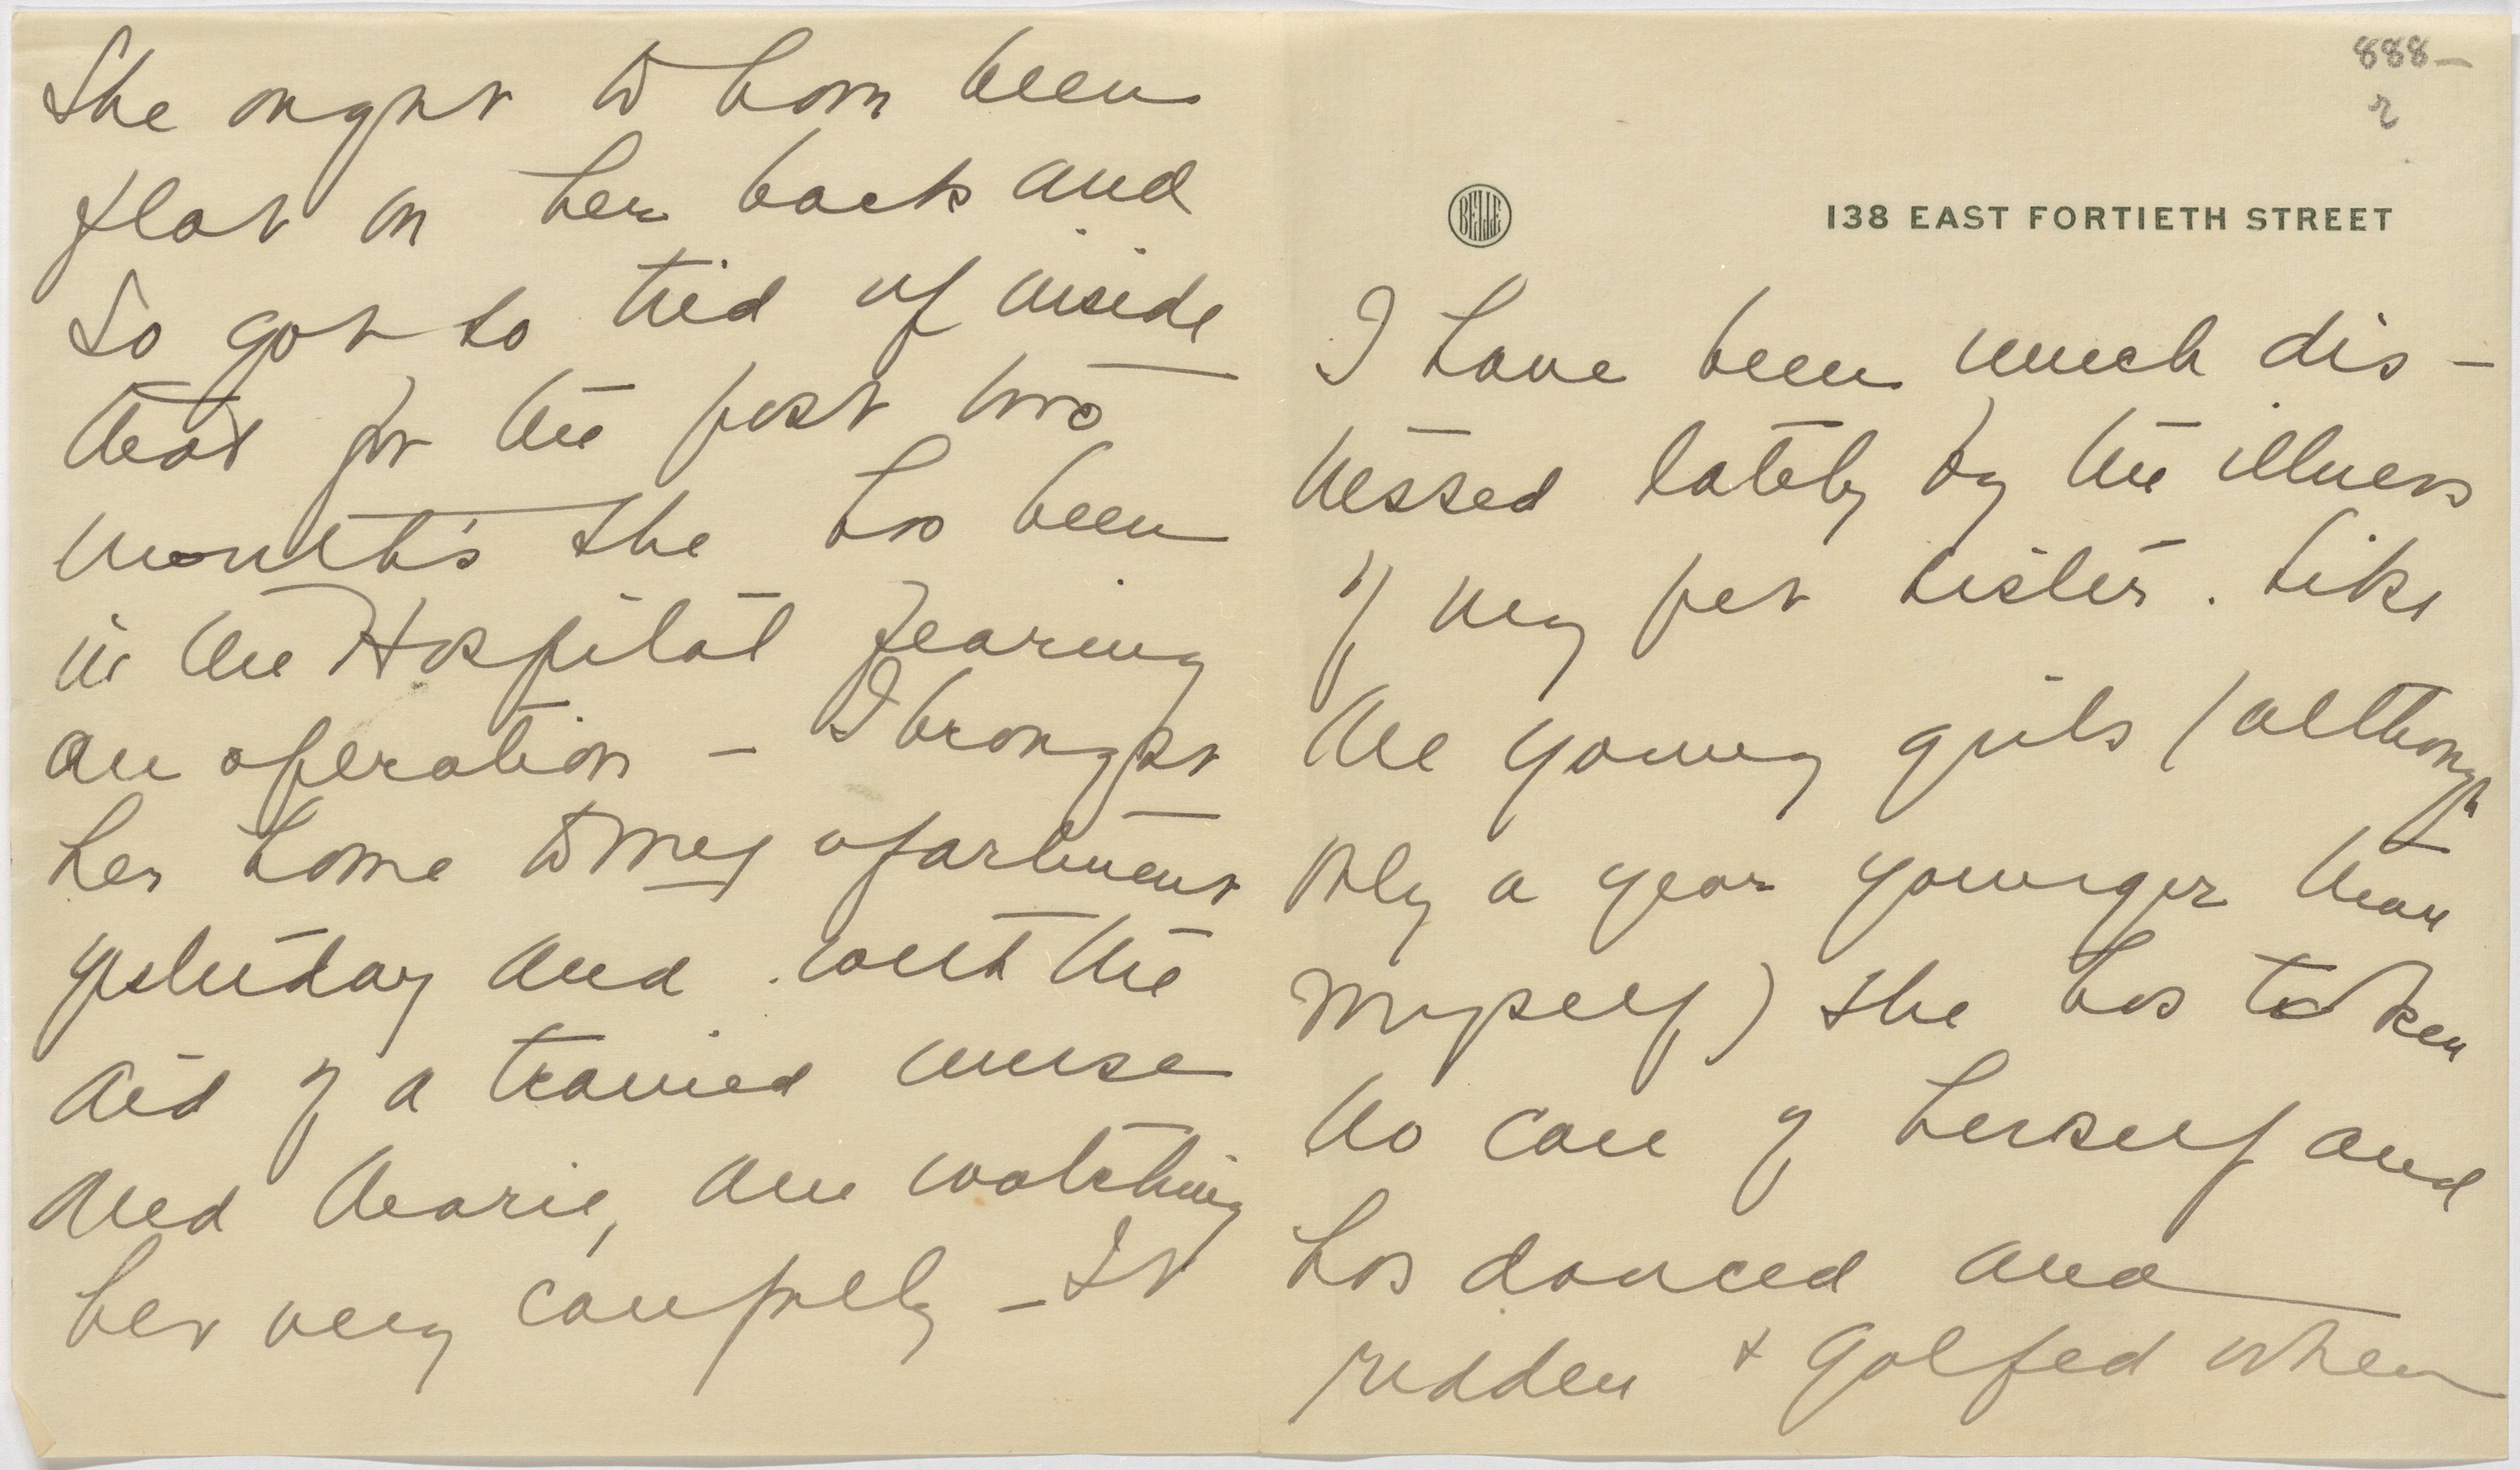I have been much distressed lately by the illness of my pet sister. Like the young girls (although only a year younger than myself) she has taken no care of herself and has danced and ridden & golfed when
She ought to have been flat on her back and so got so tied up inside that for the past two month’s she has been in the Hospital fearing an operation – I brought her home to my apartment yesterday and with the aid of a trained nurse and Marie, am watching her very carefully – It